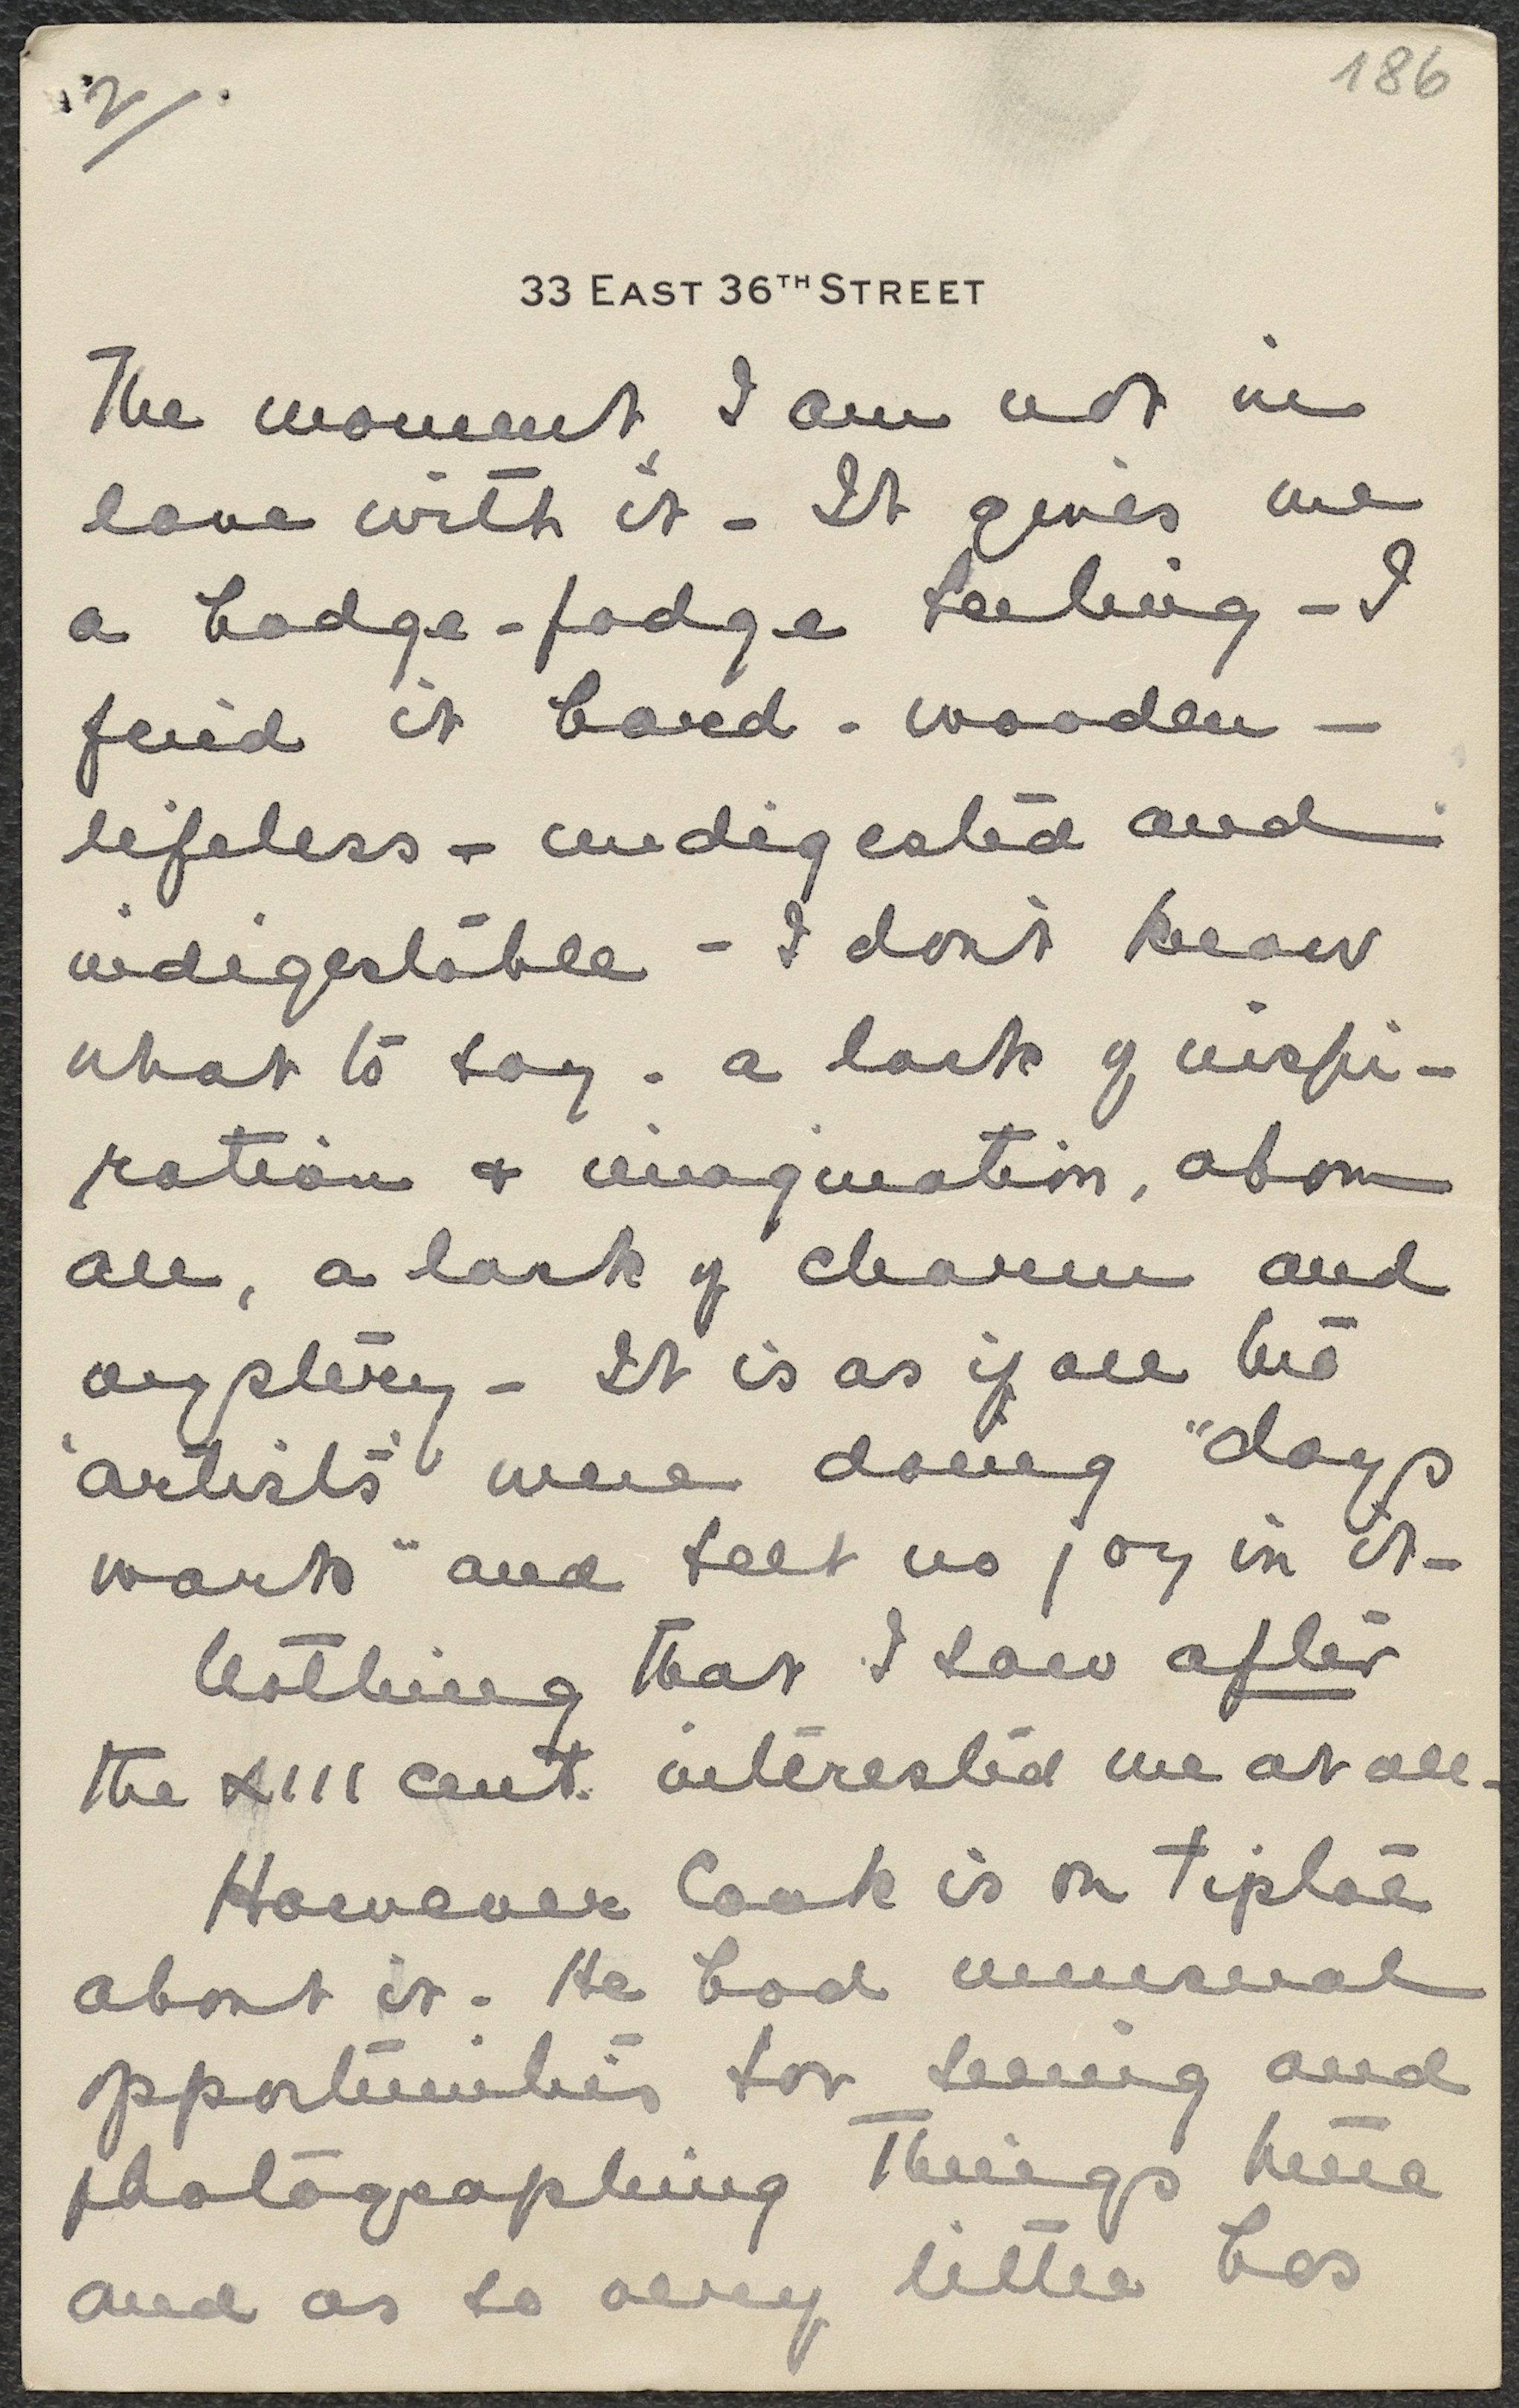2
the moment I am not in love with it – It gives me a hodge-podge feeling – I find it hard-wooden – lifeless – undigested and indigestible – I don't know what to say, a lack of inspiration & imagination, above all, a lack of charm and mystery – It is as if all the 'artists' were doing "days work" and felt no joy in it –
Nothing that I saw after the XIII cent. interested me at all –
However Cook is on tiptoe about it. He had unusual opportunities for seeing and photographing things there and as so very little has